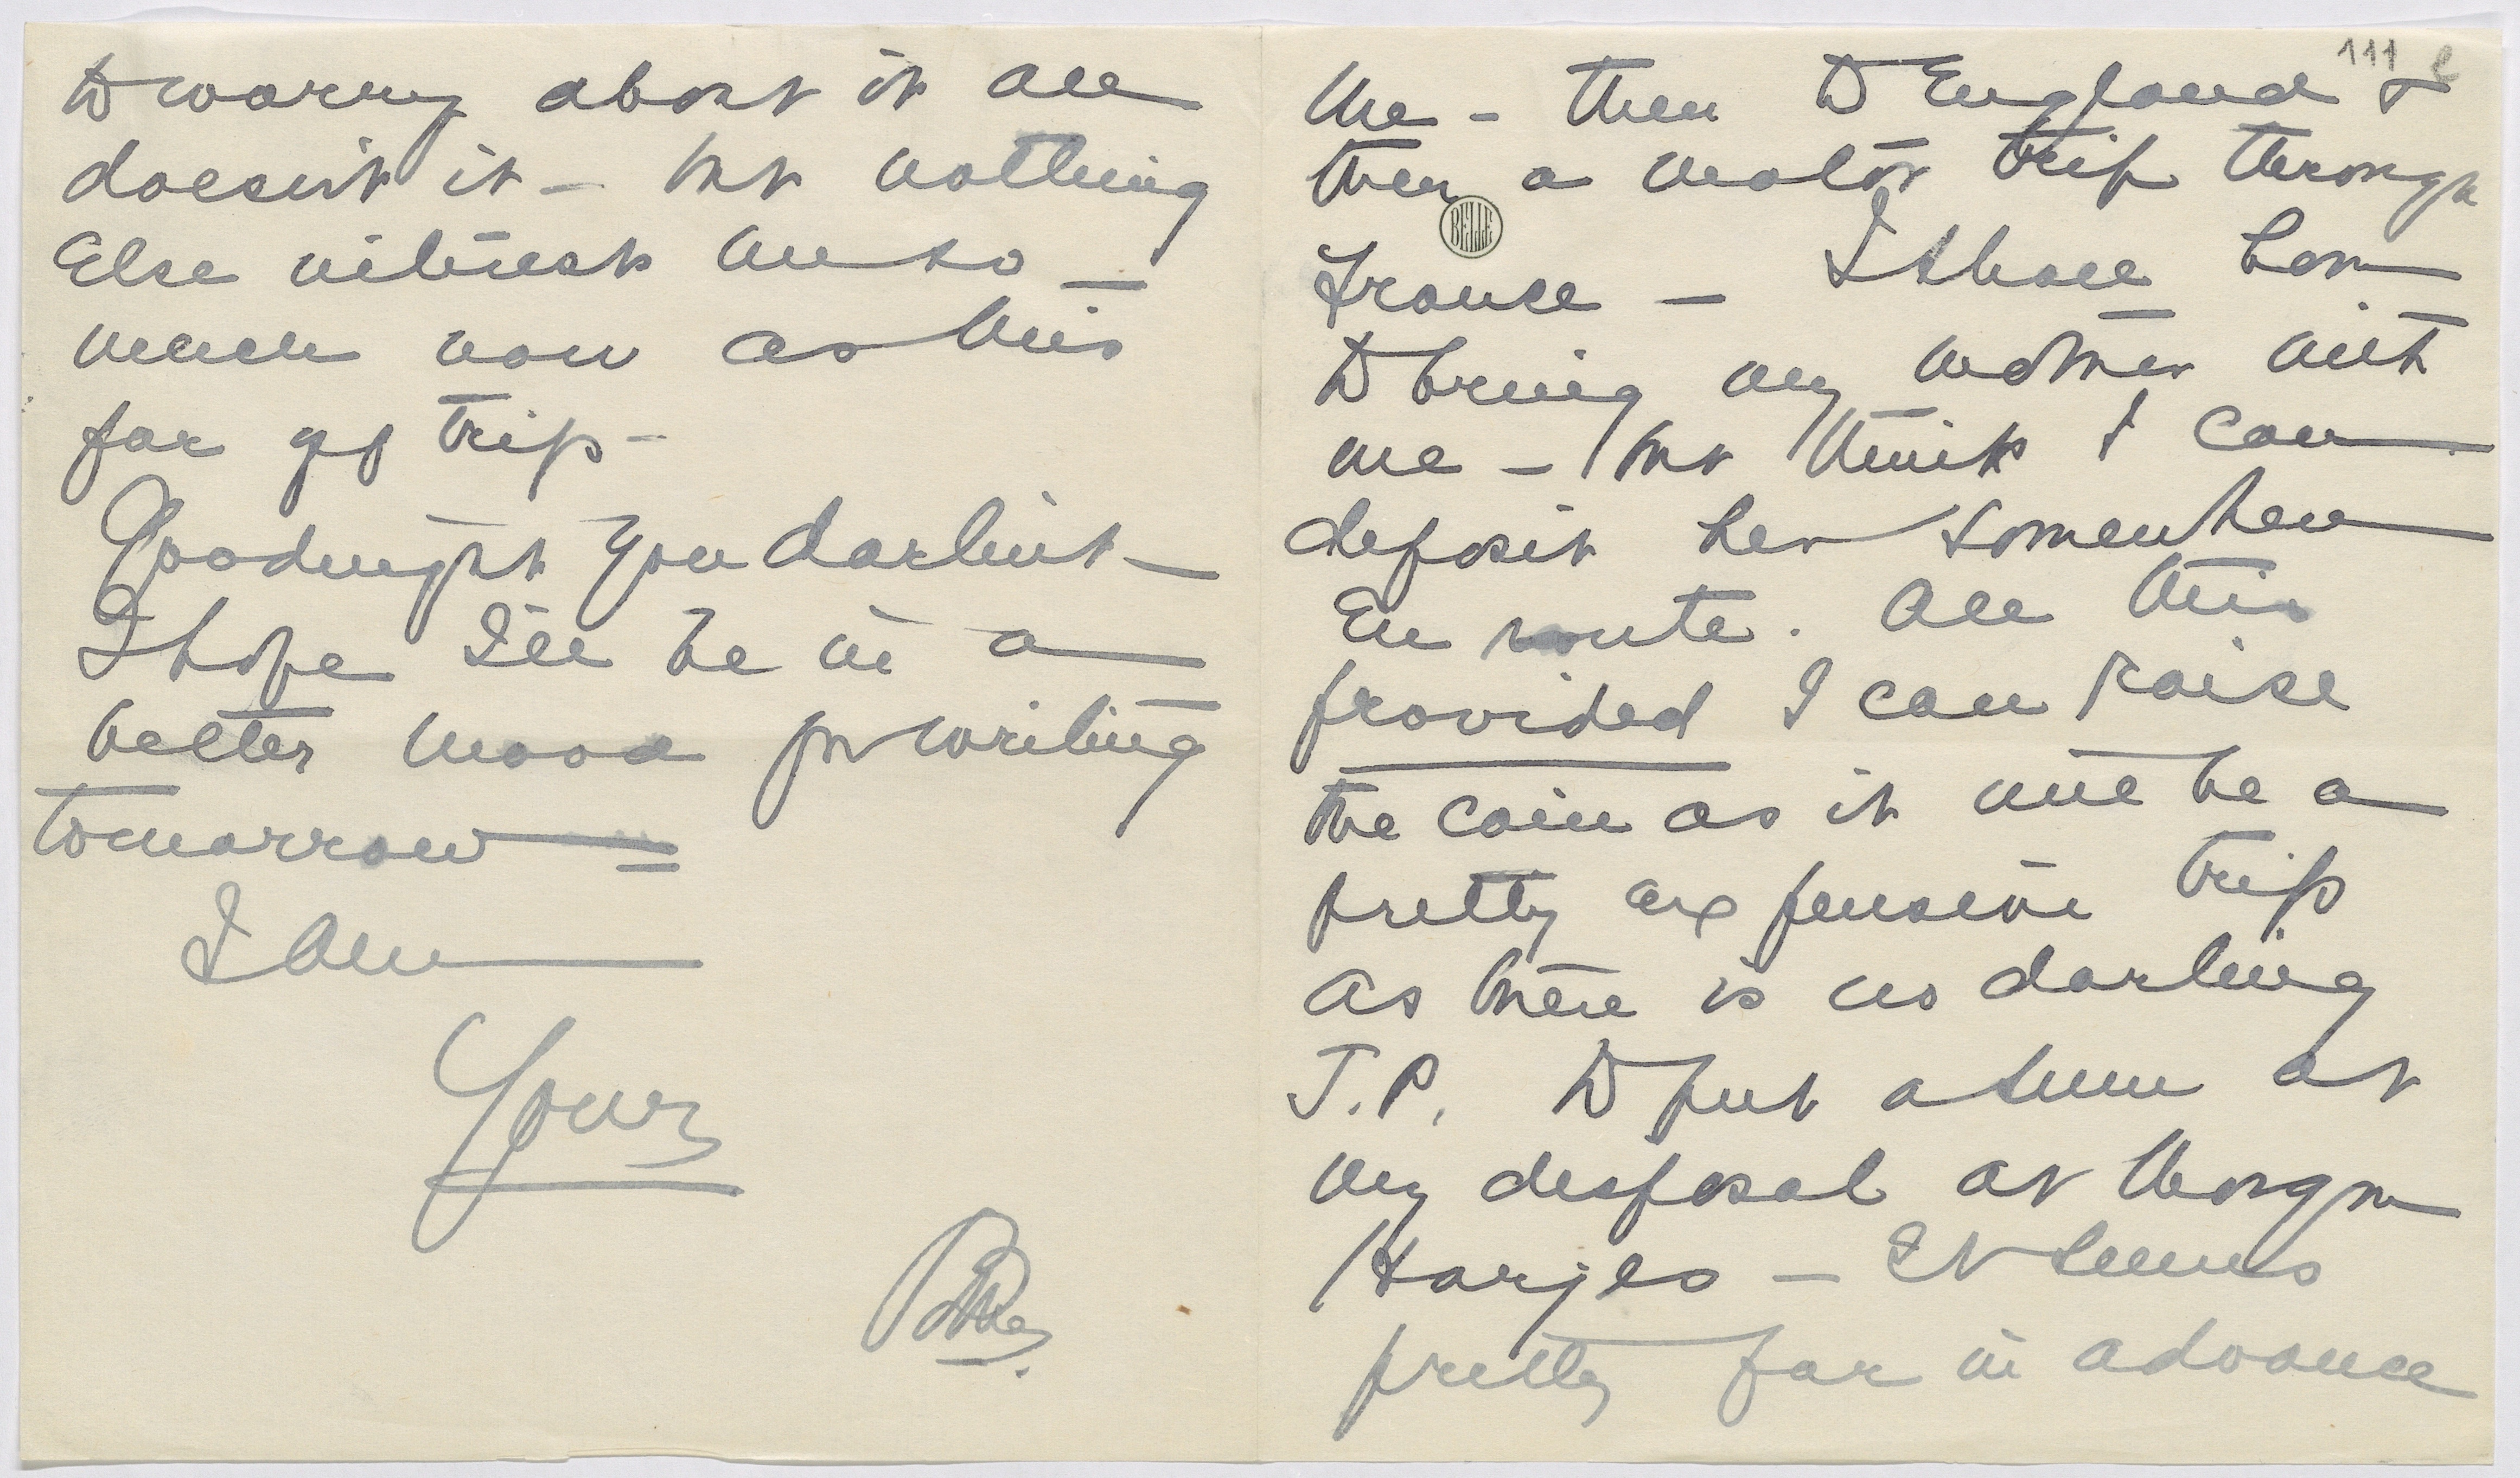me – then to England & then a water trip through France – I shall have to bring my mother with me – but think I can deposit her somewhere en route. All this provided I can raise the coin as it will be a pretty expensive trip as there is no darling J.P. to put a sum at my disposal at Morgan Harjes – It seems pretty far in advance
to worry about it all doesn’t it – but nothing else interests me so much now as this far off trip –
Goodnight you darlint – I hope I’ll be in a better mood for writing tomorrow –
I am
Your
Belle.